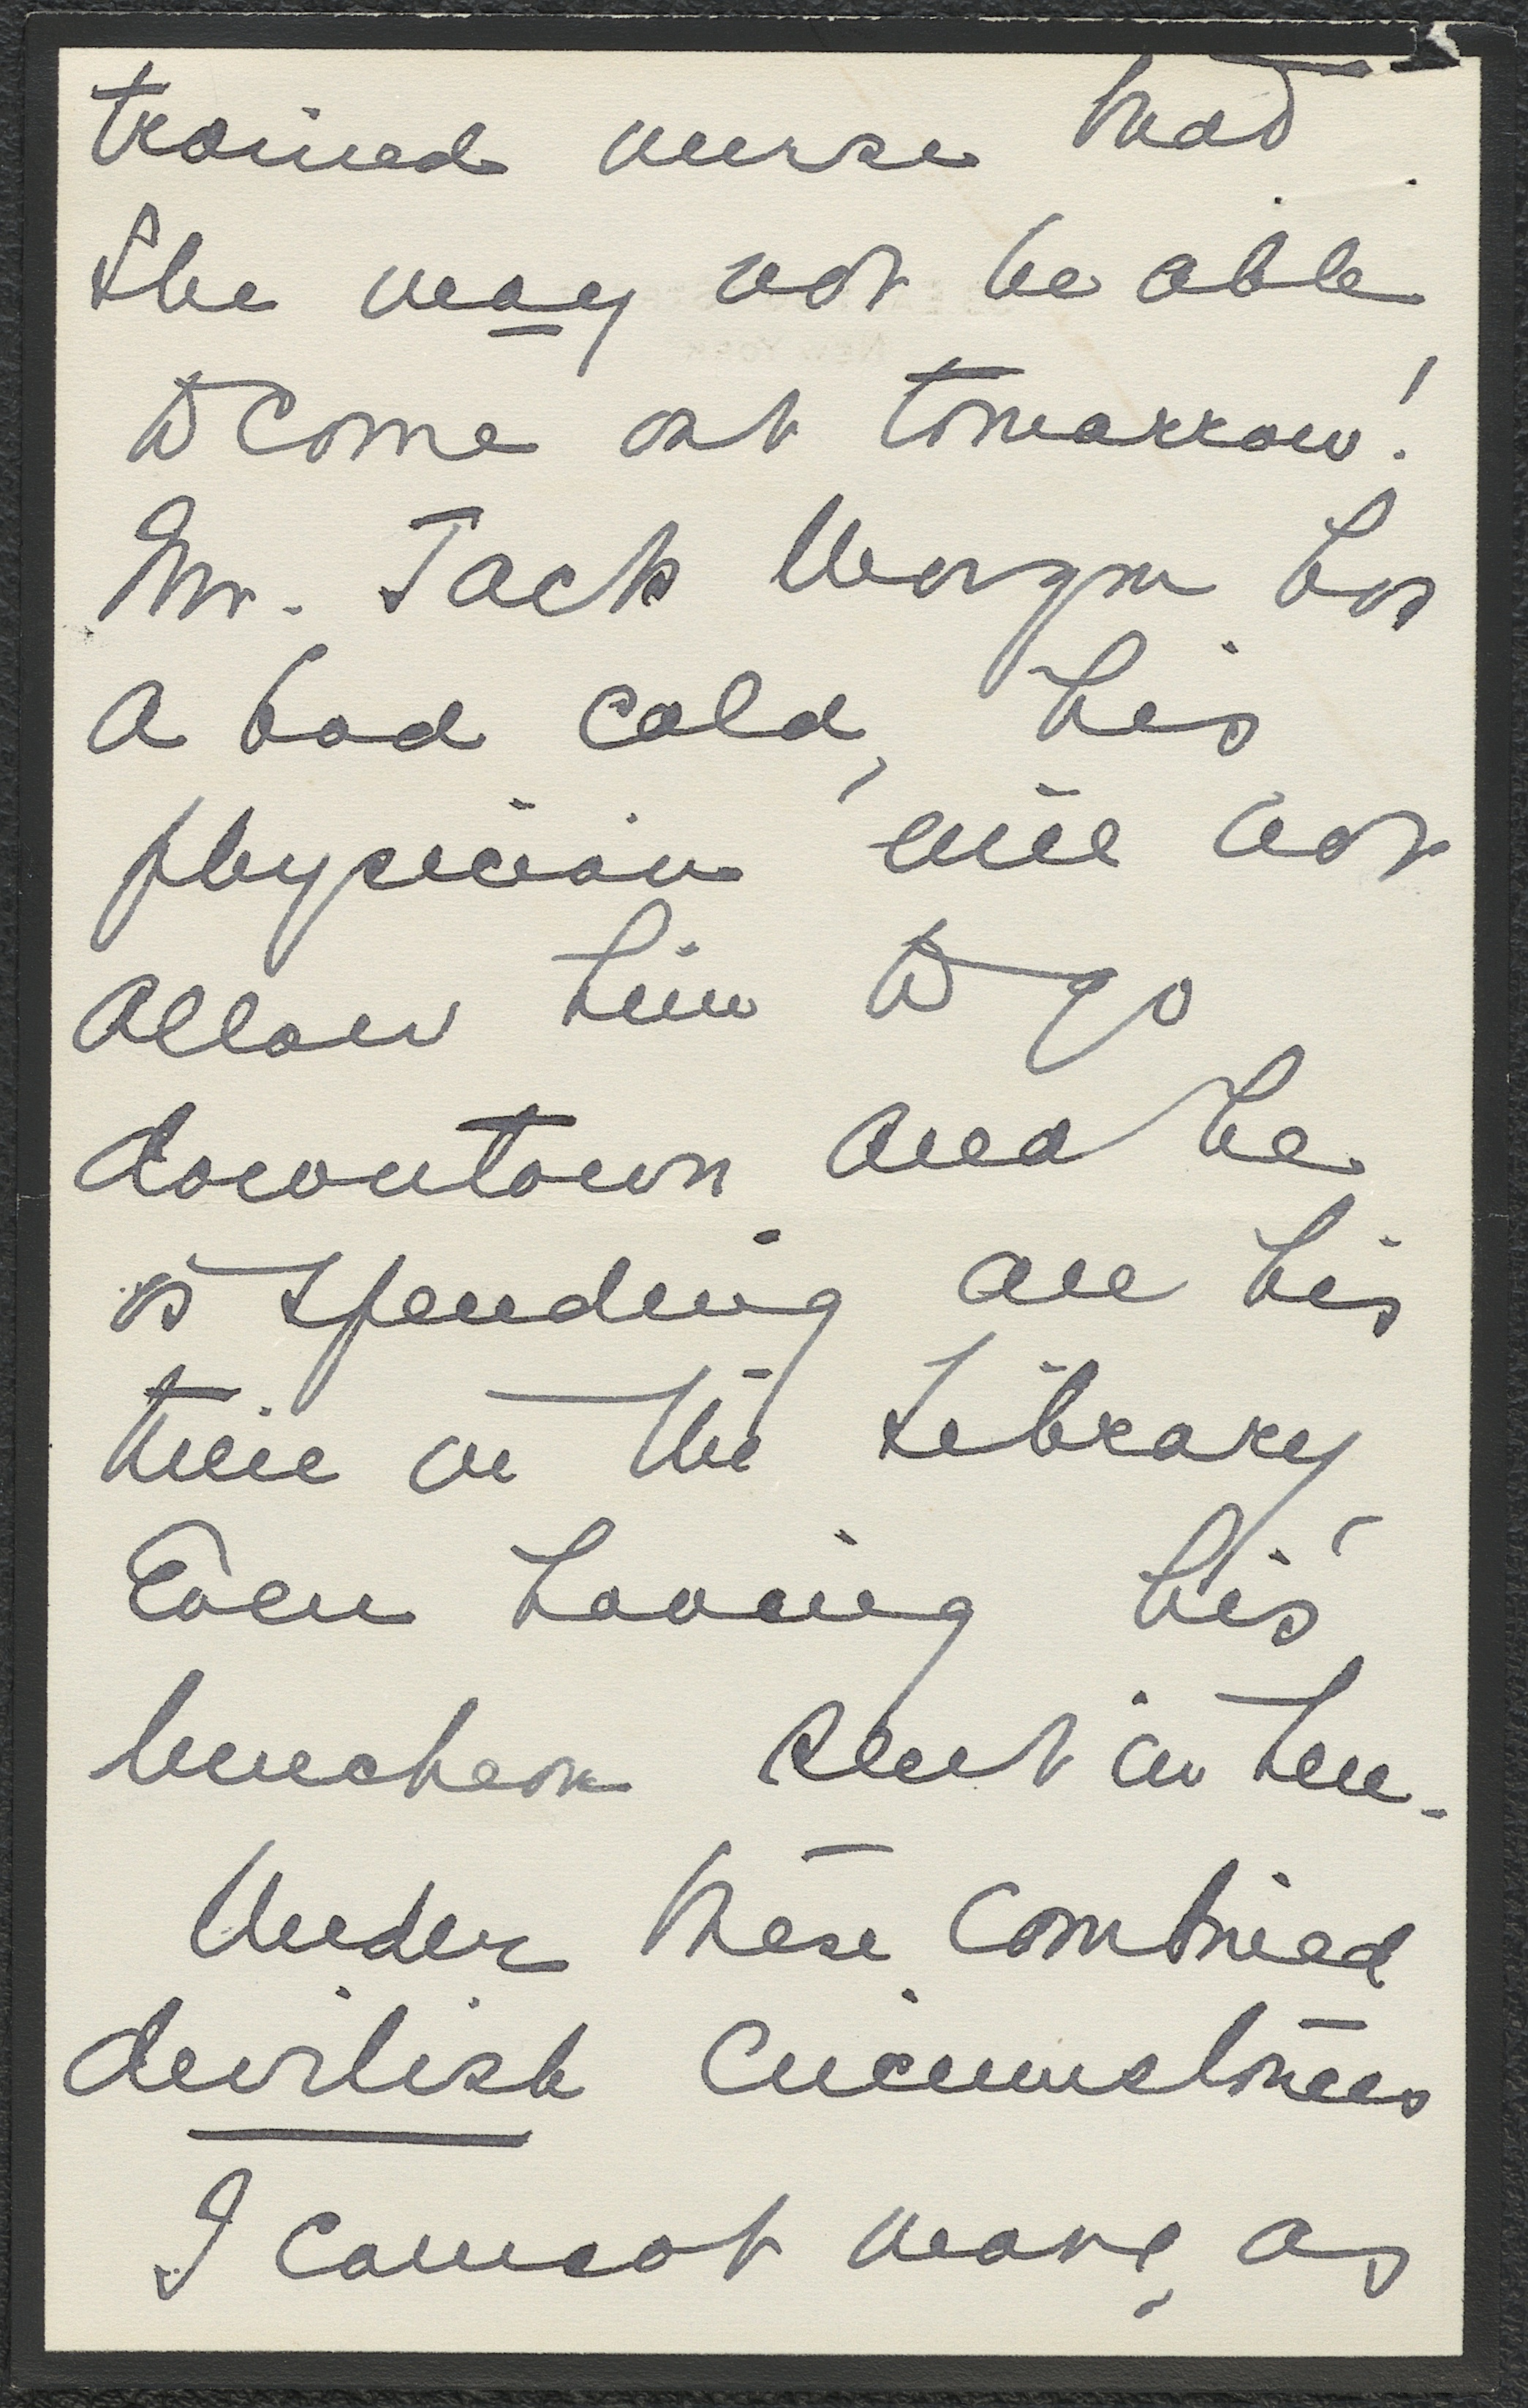trained nurse that she may not be able to come out tomorrow! Mr. Jack Morgan has a bad cold, his physician will not allow him to go downtown and he is spending all his time in the Library, even having his luncheon sent in here –
Under these combined devilish circumstances I cannot move, as